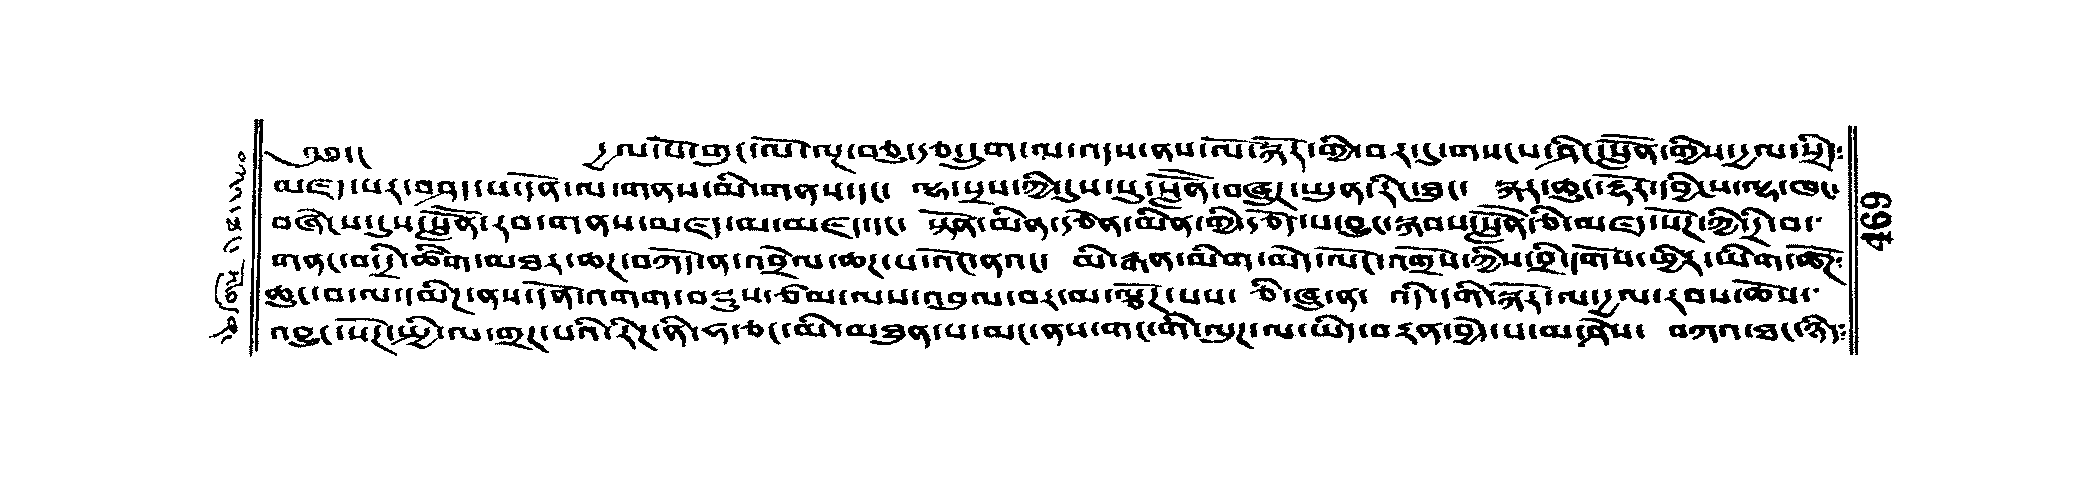རྒྱལ་པོ་དགུང་ལོ་ལྔ་བཅུ་རྩ་དྲུག་ལ་འདས་ནས་ལོ་སྐོར་གྱི་བར་དུ་གསང་ཞིང་སློབ་དཔོན་གྱིས་རྒྱལ་སྲིད་
མཛད་པར་བཤད་པ་དོན་ལ་གནས་མི་གནས་དང་། ལྷ་སྲས་ཀྱི་དུས་སུ་སློབ་དཔོན་བཞུགས་ཡུན་རིང་ཐུང་། སྐར་ཆུང་རྡོར་དབྱིངས་ལྷ་ཁང་
བཞེངས་དུས་སློབ་དཔོན་གྱི་རབ་གནས་མཛད་མ་མཛད་དང་།སྟོན་མིན་རྩེན་མིན་གྱི་རྩོད་པ་བྱུང་སྐབས་སློབ་དཔོན་ཅི་མཛད་སོགས་ཀྱི་དྲི་བ་
གནང་བ་དྲི་ཚིག་མཐར་ཆགས་བཀོད་ན་འབྲེལ་ཆགས་པ་འོང་ནའང་། མི་རྒན་མིག་མེད་ལོང་འགྲོས་ཀྱི་བྲི་དགོས་ཕྱིར་ཡིག་ཚོགས་
ཆུང་བ་ལ་དམིགས་ནས་དོན་འགག་བསྡུས་ཙམ་ལས་འབུལ་བར་མ་ལྕོགས་པས། ཅི་ཞུ་ན། འདི་དག་གི་སྐོར་ལ་རྒྱལ་རབས་ཆོས་
འབྱུང་སོགས་སྤྱི་ལ་གྲགས་པའི་རིགས་ནི་ཧ་ཅང་མི་མཐུན་པ་མང་ནས་གང་གི་ལུགས་ལ་ཡིད་བརྟན་བྱེད་པ་མ་ཤེས། བཀའ་ཐང་ཉིད་